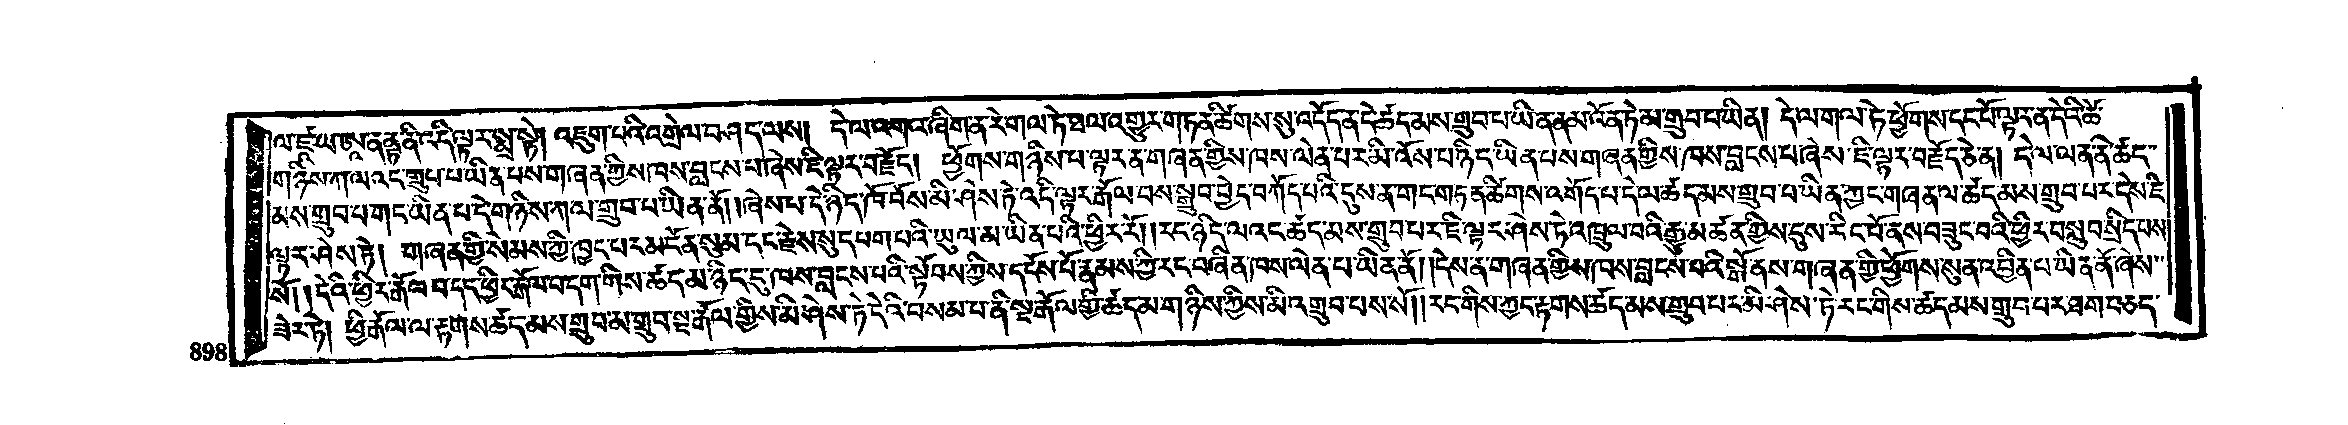ལ་ཛཱ་ཡ་ཨཱ་ནནྟ་ནི་འདི་ལྟར་སྨྲ་སྟེ། འཇུག་པའི་འགྲེལ་བཤད་ལས། དེ་ལ་འགའ་ཞིག་ན་རེ་གལ་ཏེ་ཐལ་འགྱུར་གཏན་ཚིགས་སུ་འདོད་ན་དེ་ཚད་མས་གྲུབ་པ་ཡིན་ནམ་འོན་ཏེ་མ་གྲུབ་པ་ཡིན། དེ་ལ་གལ་ཏེ་ཕྱོགས་དང་པོ་ལྟར་ན་དེའི་ཚེ་
གཉིས་ཀ་ལའང་གྲུབ་པ་ཡིན་པས་གཞན་གྱིས་ཁས་བླངས་པ་ཞེས་ཇི་ལྟར་བརྗོད། ཕྱོགས་གཉིས་པ་ལྟར་ན་གཞན་གྱིས་ཁས་ལེན་པར་མི་འོས་པ་ཉིད་ཡིན་པས་གཞན་གྱིས་ཁས་བླངས་པ་ཞེས་ཇི་ལྟར་བརྗོད་ཅེ་ན། དེ་ལ་ལན་ནི་ཚད་
མས་གྲུབ་པ་གང་ཡིན་པ་དེ་གཉིས་ཀ་ལ་གྲུབ་པ་ཡིན་ནོ། །ཞེས་པ་དེ་ཉིད་ཁོ་བོས་མི་ཤེས་ཏེ་འདི་ལྟར་རྒོལ་བས་སྒྲུབ་བྱེད་བཀོད་པའི་དུས་ན་གང་གཏན་ཚིགས་འགོད་པ་དེ་ལ་ཚད་མས་གྲུབ་པ་ཡིན་ཀྱང་གཞན་ལ་ཚད་མས་གྲུབ་པར་དེས་ཇི་
ལྟར་ཤེས་ཏེ། གཞན་གྱི་སེམས་ཀྱི་ཁྱད་པར་མངོན་སུམ་དང་རྗེས་སུ་དཔག་པའི་ཡུལ་མ་ཡིན་པའི་ཕྱིར་རོ། །རང་ཉིད་ལའང་ཚད་མས་གྲུབ་པར་ཇི་ལྟར་ཤེས་ཏེ་འཁྲུལ་བའི་རྒྱུ་མཚན་གྱིས་དུས་རིང་པོ་ནས་བཟུང་བའི་ཕྱིར་བསླུ་བ་?་སྲིད་པས་
སོ༑ ༑དེའི་ཕྱིར་རྒོལ་བ་དང་ཕྱིར་རྒོལ་བ་དག་གིས་ཚད་མ་ཉིད་དུ་ཁས་བླངས་པའི་སྟོབས་ཀྱིས་དངོས་པོ་རྣམས་ཀྱི་རང་བཞིན་ཁས་ལེན་པ་ཡིན་ནོ། །དེས་ན་གཞན་གྱིས་ཁས་བླངས་པའི་སྒོ་ནས་གཞན་གྱི་ཕྱོགས་སུན་འབྱིན་པ་ཡིན་ནོ་ཞེས་
ཟེར་ཏེ། ཕྱི་རྒོལ་ལ་རྟགས་ཚད་མས་གྲུབ་མ་གྲུབ་སྔ་རྒོལ་གྱིས་མི་ཤེས་ཏེ་དེའི་བསམ་པ་ནི་སྔ་རྒོལ་གྱི་ཚད་མ་གཉིས་ཀྱིས་མི་འགྲུབ་པས་སོ། །རང་གིས་ཀྱང་རྟགས་ཚད་མས་གྲུབ་པར་མི་ཤེས་ཏེ་རང་གིས་ཚད་མས་གྲུབ་པར་ཐག་བཅད་